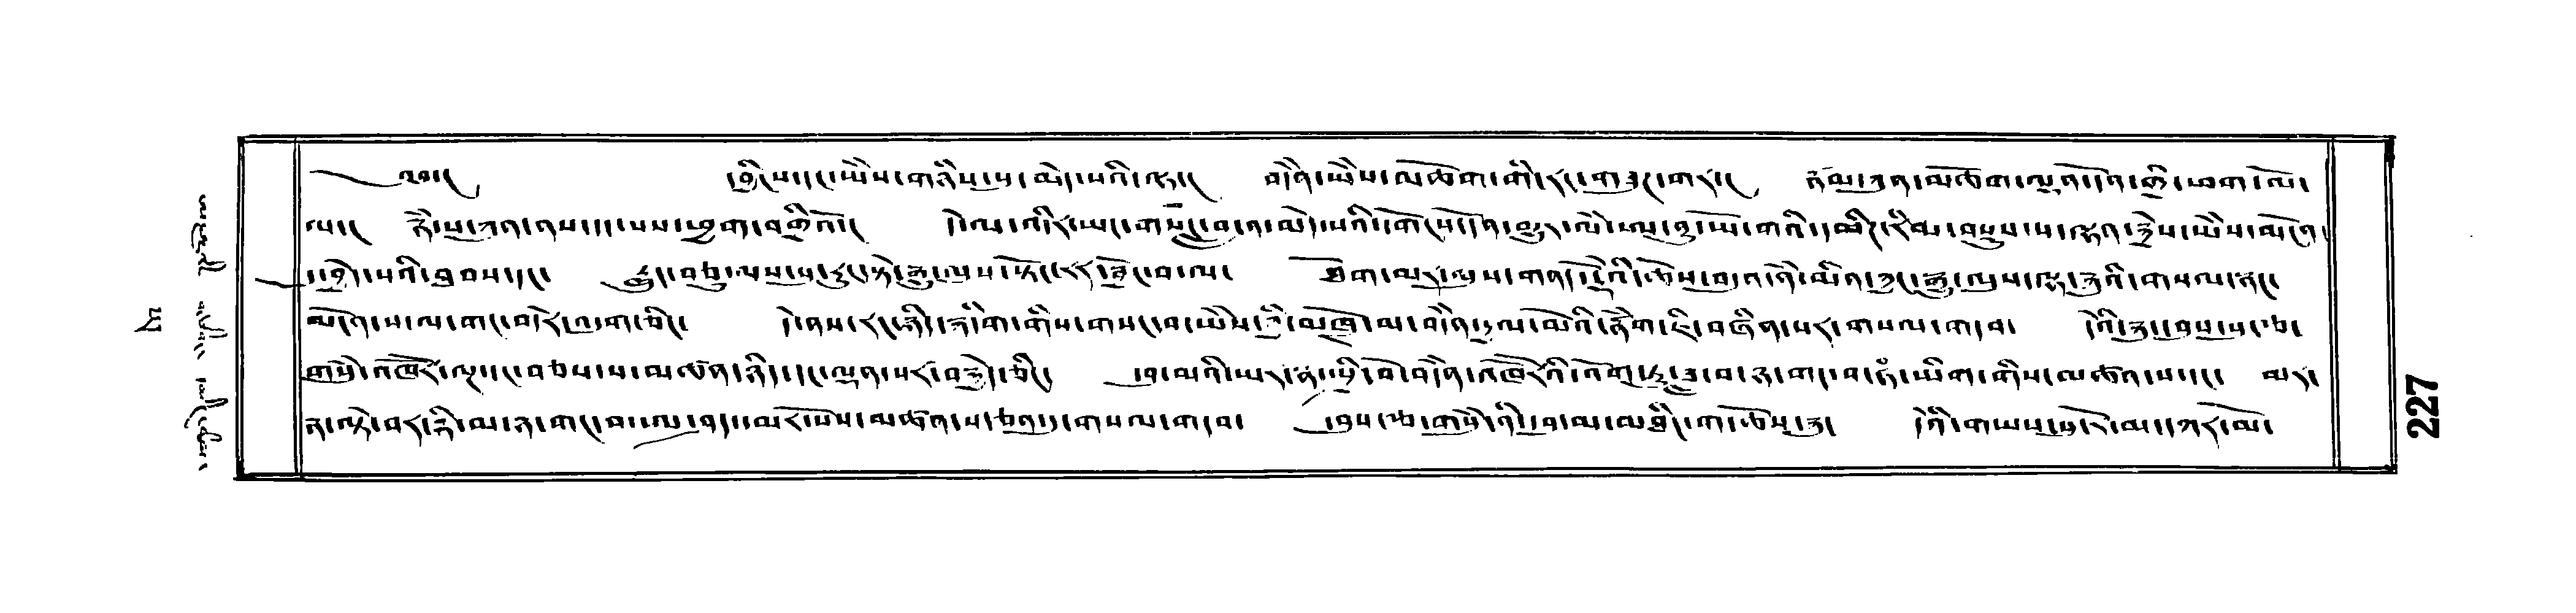དབྱིངས་དང་ཡེ་ཤེས་གཉིས་སུ་མེད་པའི་ལྷ། །བདེ་ཆེན་ཡེ་ཤེས་མཆོག་གི་རང་གཟུགས་གར། །རྣམ་ཀུན་མཆོག་ལྡན་དོན་གྱི་ཕག་མོ་
ལ། །རྣམ་པ་ཀུན་ནས་དད་པས་ཕྱག་བགྱིའོ། །དེ་ལ་འདིར་ཡང་གསང་བླ་ན་མེད་པའི་དགོངས་དོན་མྱུར་ལམ་ཨ་ནུ་ཡོ་གའི་དམིགས་རིམ་བསྡུས་པ་ལྷན་སྐྱེས་ཡེ་ཤེས་མངོན་
དུ་བྱེད་པའི་ཐབས་དང་། རླུང་བཅུ་ལས་སུ་རུང་སྟེ་སྒྱུ་ལུས་སྟོང་རར་སྦྱོང་བ་ལ། ཐོག་མར་ལུས་གནད་རྡོ་རྗེའི་ཆོས་བདུན་ནམ་མིན་ཀྱང་སྒྱུ་ལུས་སྐུའི་གསལ་སྣང་
མངོན་པ་ལ་གང་བདེར་འདུག་ཅིང་། དེ་ནས་རང་ཉིད་སྐད་ཅིག་གིས་གསང་བ་ཡེ་ཤེས་ཀྱི་མཁའ་འགྲོ་མ་བདེ་ཆེན་རྒྱལ་མོའི་རྣམ་དག་ཇི་བཞིན་པར་གསལ་གདབ། དེའི་སྐུ་དབུས་སུ་རྩ་
གསུམ་འཁོར་ལོ་ལྔ་དང་བཅས་པ་མཚན་ཉིད་དང་ལྡན་པར་བསྐྱེད་ཅིང་། དབུ་མའི་ཡར་སྣེ་སྤྱི་བོ་བདེ་ཆེན་འཁོར་ལོའི་འོག་ཏུ་ཟླ་བ་ཉ་གང་བ་ཧཾ་ཡིག་གིས་མཚན་པ་དང་། མར་
སྣེ་ལྟེ་བར་ཉི་མ་ཉ་གང་བ་ཨ་ཤད་དམར་པོས་མཚན་པ་ཅན་དུ་གསལ་གདབ། དབུས་རྩ་གསུམ་ནི་དབུ་མ་མཐིང་ག་ཆོས་སྐུ། དེའི་གཡས་སུ་རོ་མ་དཀར་མོ་